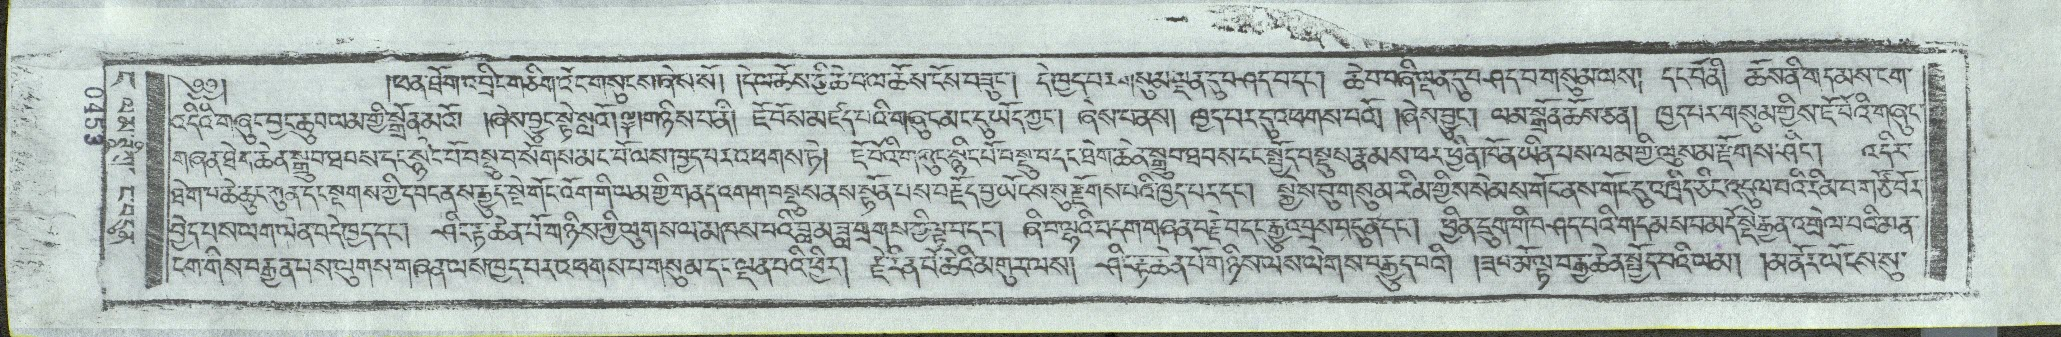༄༅། །ཕན་ཐོག་འབྲིང་གཅིག་འོང་གསུངས་ཞེས་སོ། །དེ་ལ་ཆོས་ཀྱི་ཆེ་བ་ལ་ཆོས་ངོས་བཟུང་། དེ་ཁྱད་བར་གསུམ་ལྡན་དུ་བཤད་པ་དང་། ཆེ་བ་བཞི་ལྡན་དུ་བཤད་པ་གསུམ་ལས། དང་པོ་ནི། ཆོས་ནི་གདམས་ངག་
འདིའི་གཞུང་བྱང་ཆུབ་ལམ་གྱི་སྒྲོན་མའོ། །ཞེས་བྱུང་སྟེ་སླའོ། ༈ །གཉིས་པ་ནི། ཇོ་བོས་མཛད་པའི་གཞུང་མང་དུ་ཡོད་ཀྱང་། ཞེས་པ་ནས། ཁྱད་པར་དུ་འཕགས་པའོ། །ཞེས་བྱུང་། ལམ་སྒྲོན་ཆོས་ཅན། ཁྱད་པར་གསུམ་གྱིས་ཇོ་བོའི་གཞུང་
གཞན་ཐེག་ཆེན་སྒྲུབ་ཐབས་དང་སྙིང་པོ་བསྡུ་བ་སོགས་མང་པོ་ལས་ཁྱད་པར་འཕགས་ཏེ། ཇོ་བོའི་གཞུང་སྙིང་པོ་བསྡུ་བ་དང་ཐེག་ཆེན་སྒྲུབ་ཐབས་ངང་སྤྱོད་བསྡུས་རྣམས་ཕར་ཕྱིན་ཁོ་ན་ཡིན་པས་ལམ་གྱི་ལུས་མ་རྫོགས་ཤིང་། འདིར་
ཐེག་པ་ཆེ་ཆུང་ཀུན་དང་སྔགས་ཀྱི་དབང་ནས་རྒྱུད་སྡེ་གོང་འོག་གི་ལམ་གྱི་གནད་འགག་བསྡུས་ནས་སྟོན་པས་བརྗོད་བྱ་ཡོངས་སུ་རྫོགས་པའི་ཁྱད་པར་དང་། སྐྱེས་བུ་གསུམ་རིམ་གྱིས་སེམས་གོང་ནས་གོང་དུ་འཁྲིད་ཅིང་འདུལ་བའི་རིམ་བ་གཙོ་བོར་
བྱེད་པས་ལག་ལེན་བདེ་ཁྱད་དང་། ཤིང་རྟ་ཆེན་པོ་གཉིས་ཀྱི་ལུགས་ལ་མཁས་པའི་བླ་མ་ཟླ་གྲགས་ཀྱི་ལྟ་བ་དང་། ཞི་བ་ལྷའི་བདག་གཞན་བརྗེ་བ་དང་རྒྱུ་འབྲས་བདུན་དང་། ཕྱིན་དྲུག་གི་བཤད་པའི་གདམས་པ་མདོ་སྡེ་རྒྱན་འགྲེལ་བའི་མན་
ངག་གིས་བརྒྱན་པས་ལུགས་གཞན་ལས་ཁྱད་བར་འཕགས་པ་གསུམ་དང་ལྡན་པའི་ཕྱིར། རྗེ་རིན་བོ་ཆེའི་མགུར་ལས། ཤིང་རྟ་ཆེན་པོ་གཉིས་ལས་ལེགས་བརྒྱུད་པའི། །ཟབ་མོ་ལྟ་བརྒྱ་ཆེན་སྤྱོད་པའི་ལམ། །མནོར་ཡོངས་སུ་